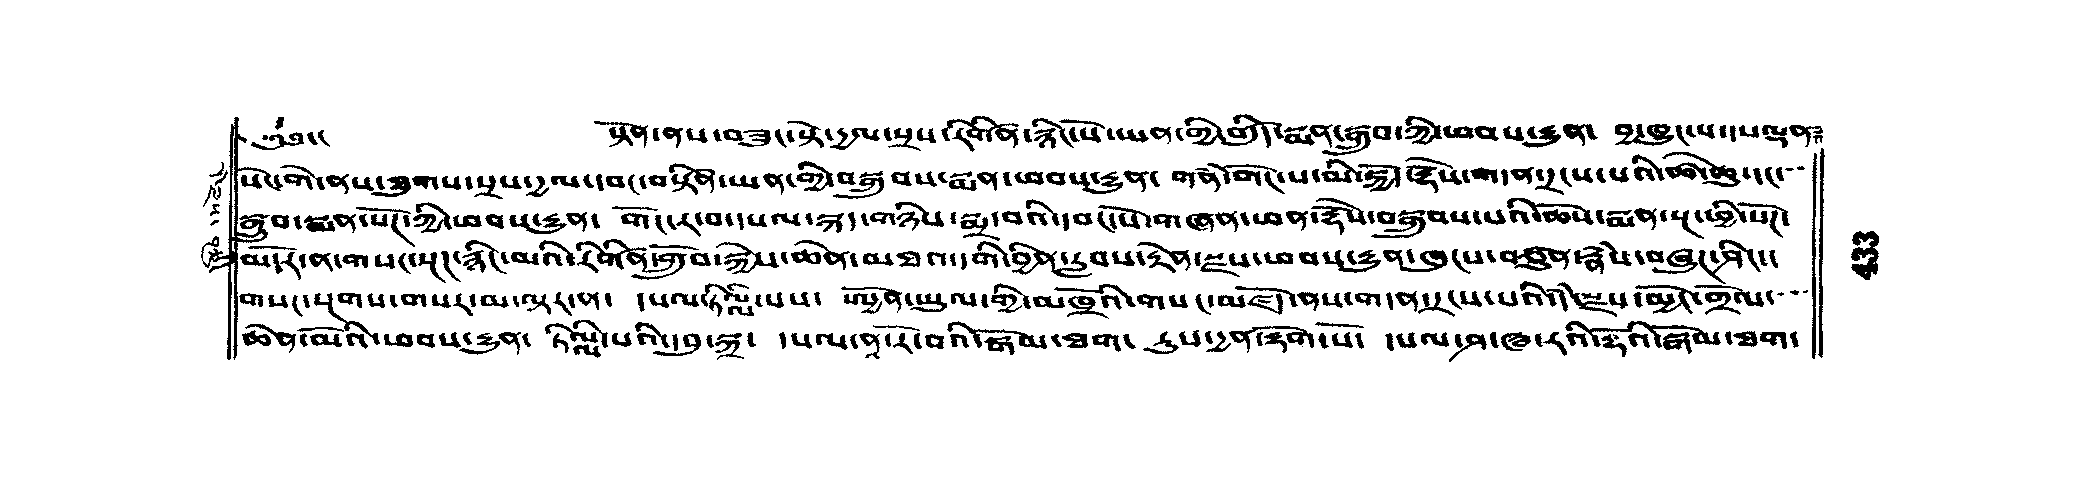སྟོན་ནས་བཟུང་སྟེ་རྒྱལ་སྲས་རིག་འཛིན་སྙིང་པོ་ཡན་གྱི་བདུད་རྩི་སྨན་སྒྲུབ་ཀྱི་ཕབས་རྒྱུན། བྱ་ཁྱུང་པ་དཔལ་ལྡན་
སེང་གེ་ནས་ཐུགས་སྲས་རྒྱལ་དབང་བསྟན་འཛིན་ཡན་གྱི་སྒྲུབ་སྨན་ཕབས་རྒྱུན། གནམ་གོང་པ་མི་སྐྱོད་རྡོ་རྗེས་གདན་དྲངས་པའི་ཚེ་ཆུ་དང་
སྒྲུབ་སྨན་སོགས་ཀྱི་ཕབས་རྒྱུན། གོང་རྭ་བ་དཔལ་སྐད་གཉིས་སྨྲ་བའི་དབང་པོ་གཞན་ཕན་རྡོ་རྗེས་བསྒྲུབས་པའི་ཆོས་སྨན་སྔ་ཕྱི་སོགས་
མདོར་ན་གསང་སྔགས་རྙིང་མའི་རིག་འཛིན་གྲུབ་ཐོབ་སྐྱེས་ཆེན་མཐའ་དག་གི་བྱིན་རླབས་རྟེན་རྫས་ཕབས་རྒྱུན་ཁུངས་བཙུན་རྣམས་བཞུགས་ཤིང་། 
གསང་སྔགས་གསར་མ་ལྟར་ན། དཔལ་ཏེལློ་པས་ཨོ་རྒྱན་ཡུལ་གྱི་མཁའ་འགྲོའི་གསང་མཛོད་ནས་གདན་དྲངས་པའི་དམ་རྫས་མྱོང་གྲོལ་
ཆེན་པོའི་ཕབས་རྒྱུན། ཏེལློ་པའི་དབུ་སྐྲ། དཔལ་ནཱ་རོ་པའི་སྒོམ་ཐག རུས་རྒྱན་རྡོག་པོ། དཔལ་ཤ་ཝ་རིའི་སྒོམ་ཐག